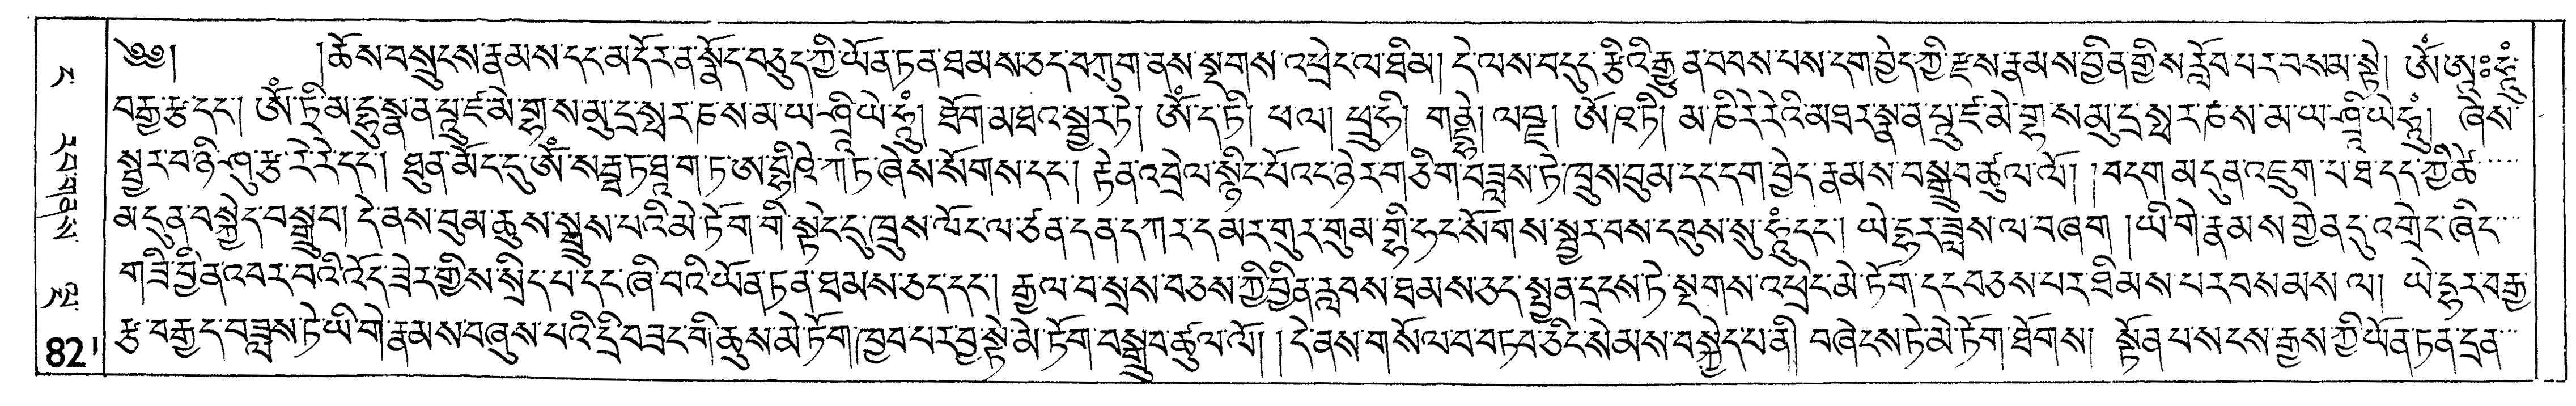༄༅། །ཆོས་བསྲུངས་རྣམས་དང་མདོར་ན་སྣོད་བཅུད་ཀྱི་ཡོན་ཏན་ཐམས་ཅད་བཀུག་ནས་སྔགས་འཕྲེང་ལ་ཐིམ། དེ་ལས་བདུད་རྩིའི་རྒྱུན་བབས་པས་དག་བྱེད་ཀྱི་རྫས་རྣམས་བྱིན་གྱིས་རློབ་པར་བསམ་སྟེ། ཨོཾ་ཨཱཿ ཧཱུཾ་
བརྒྱ་རྩ་དང་། ཨོཾ་ཏྲི་མ་དྷུ་སྣ་ན་པཱུ་ཛ་མེ་གྷ་ས་མུ་དྲ་སྥར་ཎ་ས་མ་ཡ་ཤྲཱི་ཡེ་ཧཱུཾ། ཐོག་མཐའ་སྦྱར་ཏེ། ཨོཾ་ད་ཏི། ཕལ། ཕྲུ་ཧི། གནྡྷེ། ལབྫ། ཨོ་ཥ་ཏི། མ་ཎི་རེ་རེའི་མཐར་སྣ་ན་པཱུ་ཛ་མེ་གྷ་ས་མུ་དྲ་སྥར་ཎ་ས་མ་ཡ་ཤྲཱི་ཡེ་ཧཱུཾ། ཞེས་
སྦྱར་བ་ཉི་ཤུ་རྩ་རེ་རེ་དང་། ཐུན་མོང་དུ་ཨོཾ་སརྦྦ་ཏ་ཐཱ་ག་ཏ་ཨ་བྷི་ཥེ་ཀ་ཏ་ཞེས་སོགས་དང་། རྟེན་འབྲེལ་སྙིང་པོའང་ཉེར་གཅིག་བཟླས་ཏེ་ཁྲུས་བུམ་དང་དག་བྱེད་རྣམས་བསྒྲུབ་ཚུལ་ལོ། །བདག་མདུན་འཇུག་པ་ཐ་དད་ཀྱི་ཚེ་
མདུན་བསྐྱེད་བསྒྲུབ། དེ་ནས་བུམ་ཆུས་སྤྲུས་པའི་མེ་ཏོག་གི་སྟེང་དུ་ཁྲུས་ལོང་ལ་ཙན་དན་དཀར་དམར་གུར་གུམ་གྷི་ཧང་སོགས་སྦྱར་བས་དབུས་སུ་ཧཱུཾ་དང་། ཡེ་དྷར་ཟླས་ལ་བཞག །ཡི་གེ་རྣམས་གྱེན་དུ་འགྲེང་ཞིང་
གཟི་བྱིན་འབར་བའི་འོད་ཟེར་གྱིས་སྲིད་པ་དང་ཞི་བའི་ཡོན་ཏན་ཐམས་ཅད་དང་། རྒྱལ་བ་སྲས་བཅས་ཀྱི་བྱིན་རླབས་ཐམས་ཅད་སྤྱན་དྲངས་ཏེ་སྔགས་འཕྲེང་མེ་ཏོག་དང་བཅས་པར་ཐིམས་པར་བསམས་ལ། ཡེ་དྷར་བརྒྱ་
རྩ་བརྒྱད་བཟླས་ཏེ་ཡི་གེ་རྣམས་བཞུས་པའི་དྲི་བཟང་གི་ཆུས་མེ་ཏོག་ཁྱབ་པར་བྱ་སྟེ་མེ་ཏོག་བསྒྲུབ་ཚུལ་ལོ། །དེ་ནས་གསོལ་བ་བཏབ་ཅིང་སེམས་བསྐྱེད་པ་ནི། བཞེངས་ཏེ་མེ་ཏོག་ཐོགས། སྟོན་པ་སངས་རྒྱས་ཀྱི་ཡོན་ཏན་དྲན་